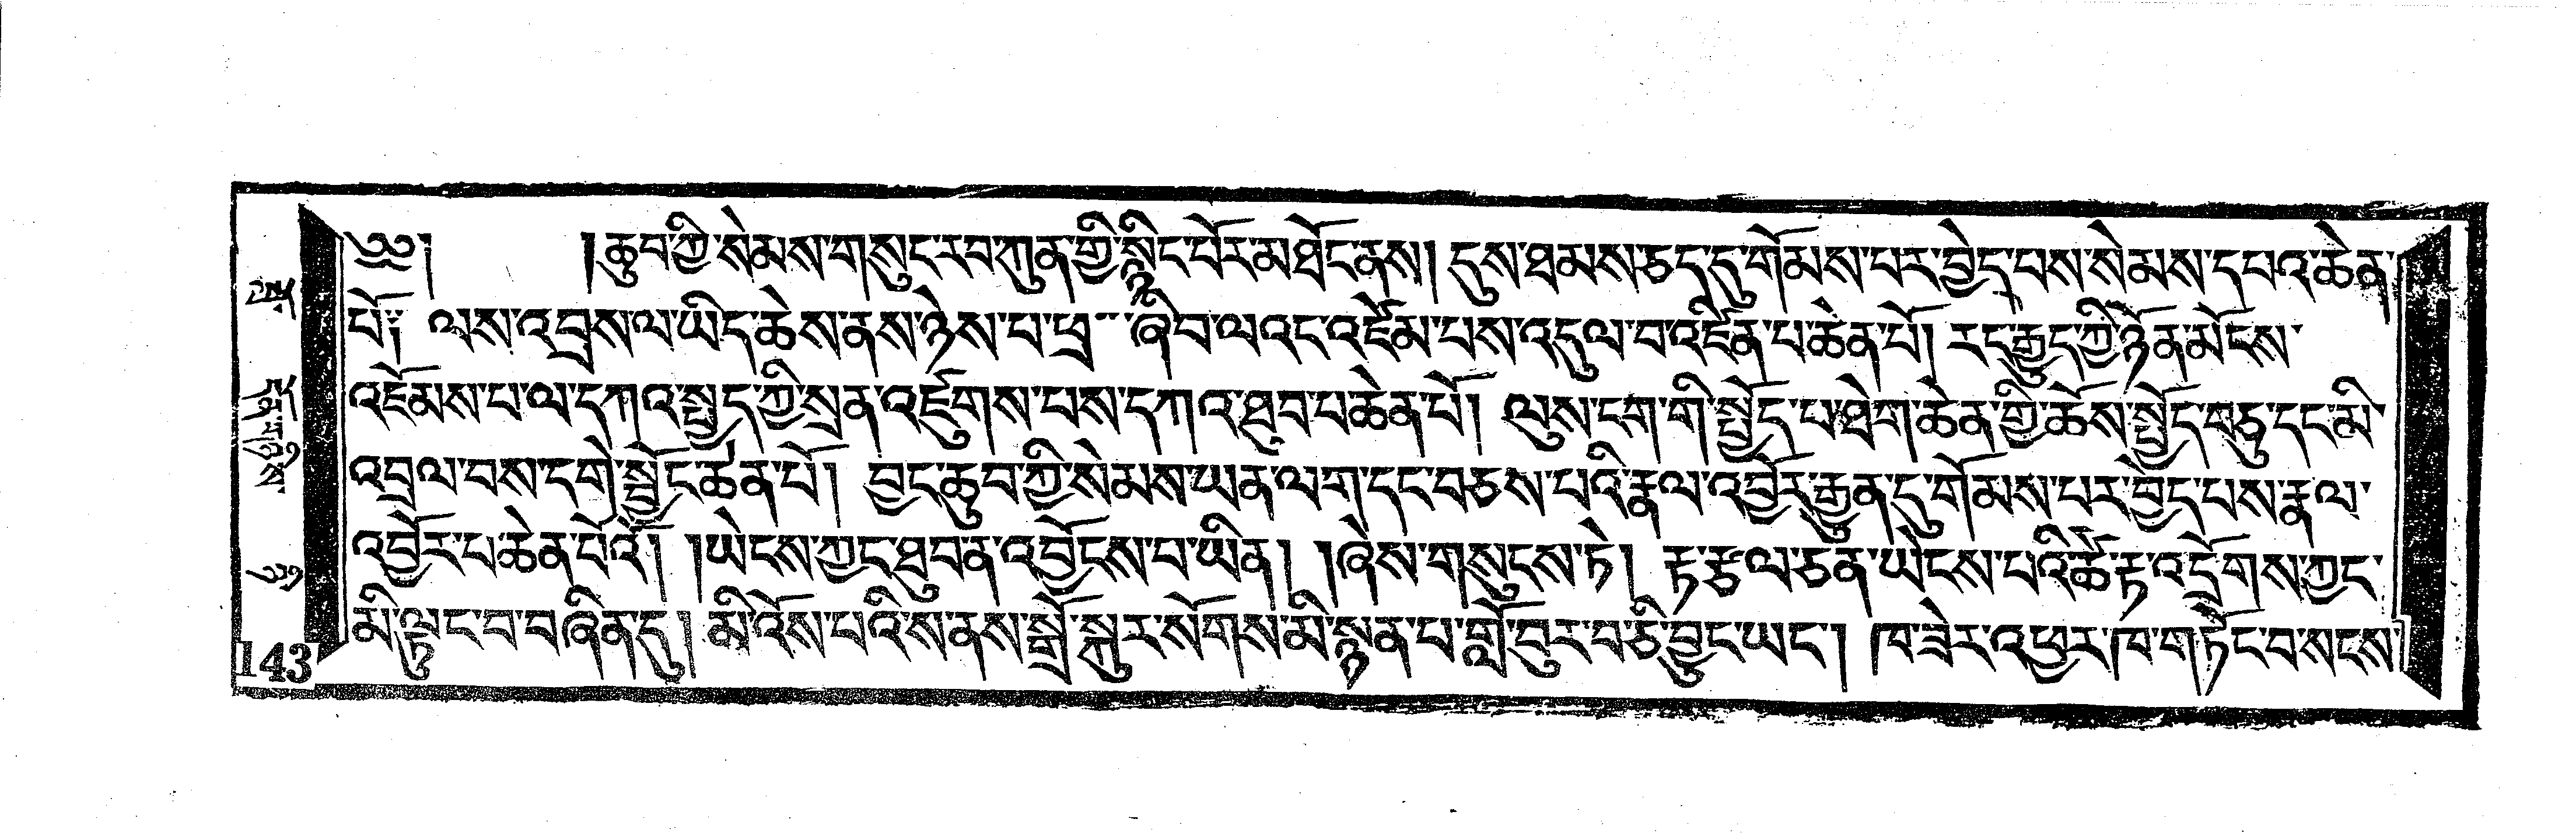༄༅། །ཆུབ་ཀྱི་སེམས་གསུང་རབ་ཀུན་གྱི་སྙིང་པོར་མཐོང་ནས། དུས་ཐམས་ཅད་དུ་གོམས་པར་བྱེད་པས་སེམས་དཔའ་ཆེན་
པོ༑ ལས་འབྲས་ལ་ཡིད་ཆེས་ནས་ཉེས་པ་ཕྲ་ཞིབ་ལའང་འཛེམ་པས་འདུལ་བ་འཛིན་པ་ཆེན་པོ། རང་རྒྱུད་ཀྱི་ཉོན་མོངས་
འཇོམས་པ་ལ་དཀའ་སྤྱད་ཀྱི་སྲན་འཛུགས་པས་དཀའ་ཐུབ་པ་ཆེན་པོ། ལུས་ངག་གི་སྤྱོད་པ་ཐེག་ཆེན་གྱི་ཆོས་སྤྱོད་བཅུ་དང་མི་
འབྲལ་བས་དགེ་སྦྱོང་ཆེན་པོ། བྱང་ཆུབ་ཀྱི་སེམས་ཡན་ལག་དང་བཅས་པའི་རྣལ་འབྱོར་རྒྱུན་དུ་གོམས་པར་བྱེད་པས་རྣལ་
འབྱོར་པ་ཆེན་པོའོ། །ཡེངས་ཀྱང་ཐུབ་ན་འབྱོངས་པ་ཡིན། །ཞེས་གསུངས་ཏེ། རྟ་རྩལ་ཅན་ཡེངས་པའི་ཚེ་རྟ་འདྲོགས་ཀྱང་
མི་ལྟུང་བ་བཞིན་དུ། མི་འོས་པའི་ས་ནས་སྒྲོ་སྐུར་སོགས་མི་སྙན་པ་གློ་བུར་བ་ཅི་བྱུང་ཡང་། ཁ་ཟེར་འཕྱར་ཁ་གཏོང་བ་སངས་